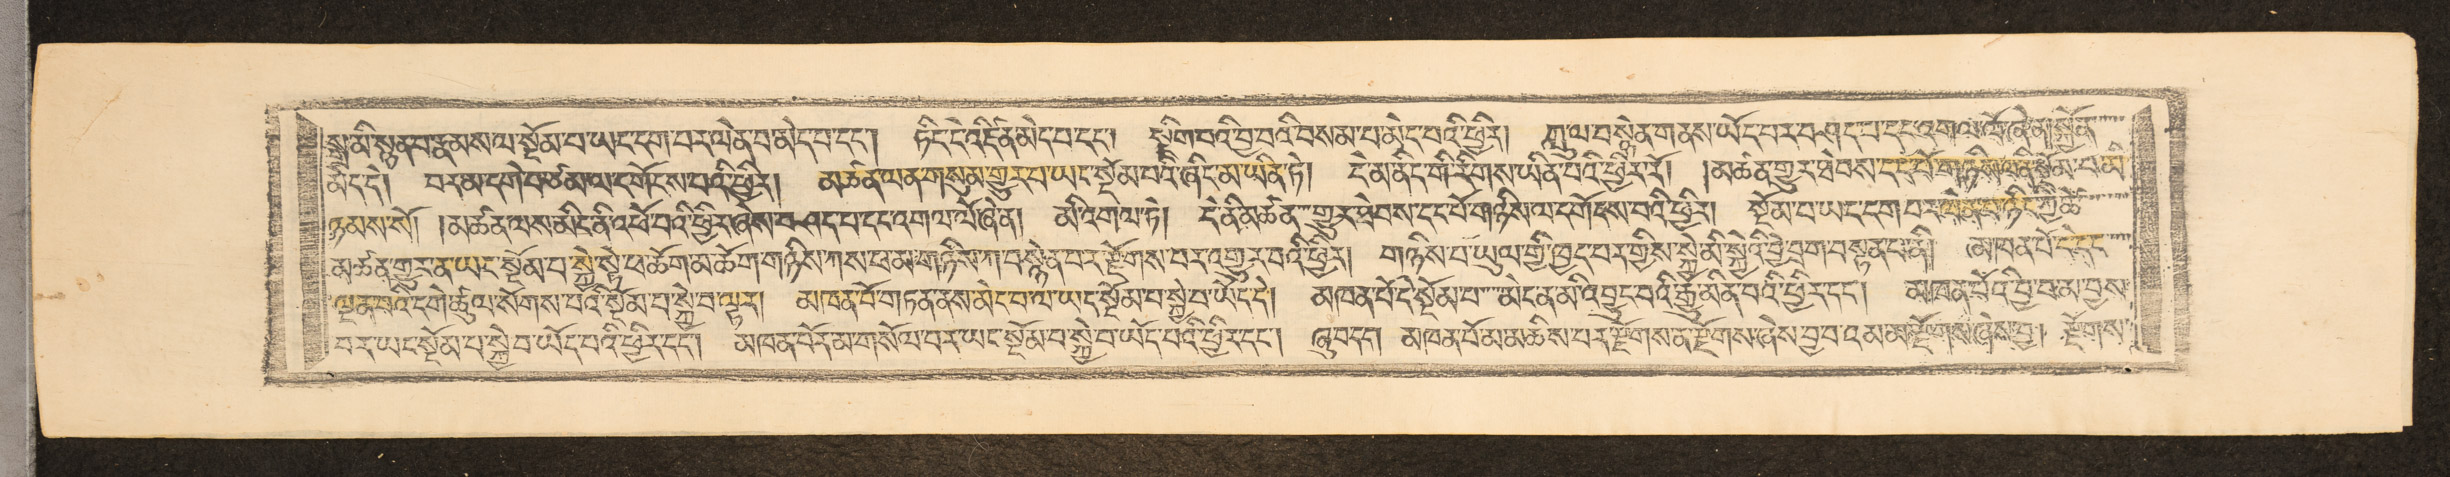སྒྲ་མི་སྙན་པ་རྣམས་ལ་སྡོམ་པ་ཡང་དག་པར་ལེན་པ་མེད་པ་དང་། ཏིང་ངེ་འཛིན་མེད་པ་དང་། སྡིག་པའི་བྱ་བའི་བསམ་པ་མེད་པའི་ཕྱིར། ཀླུལ་བསྙེན་གནས་ཡོད་པར་བཤད་པ་དང་འགལ་ལོ་ཞེ་ན། སྐྱོན་
མེད་དེ། བར་མ་དགེ་བ་ཙམ་ལ་དགོངས་པའི་ཕྱིར། མཚན་ལན་གསུམ་གྱུར་པ་ཡང་སྡོམ་པའི་ཞིང་མ་ཡིན་ཏེ། དེ་མ་ནིང་གི་རིགས་ཡིན་པའི་ཕྱིར་རོ། །མཚན་གྱུར་ཐེབས་དང་པོ་གཉིས་ལ་ནི་སྡོམ་པ་མི་
ཉམས་སོ། །མཚན་ལས་མིང་ནི་འཕོ་བའི་ཕྱིར་ཞེས་བཤད་པ་དང་འགལ་ལོ་ཞེ་ན། མི་འགལ་ཏེ། དེ་ནི་མཚན་གྱུར་ཐེབས་དང་པོ་གཉིས་ལ་དགོངས་པའི་ཕྱིར། སྡོམ་པ་ཡང་དག་པར་ལེན་པ་ཉིད་ཀྱི་ཚེ་
མཚན་གྱུར་ན་ཡང་སྡོམ་པ་སྐྱེ་སྟེ་ཕ་ཆོག་མ་ཆོག་གཉིས་ཀས་ཕ་མ་གཉིས་ཀ་བསྙེན་པར་རྫོགས་པར་འགྱུར་བའི་ཕྱིར། གཉིས་པ་ཡུལ་གྱི་ཁྱད་པར་གྱིས་སྐྱེ་མི་སྐྱེའི་བྱེ་བྲག་བསྟན་ཕ་ནི། མཁན་པོ་དེ་དང་
ལྡན་པའི་དགེ་ཚུལ་སོགས་པའི་སྡོམ་པ་སྐྱེ་བ་ལྟར། མཁན་པོ་གཏན་ནས་མེད་པ་ལ་ཡང་སྡོམ་པ་སྐྱེ་བ་ཡོད་དེ། མཁན་པོ་དེ་སྡོམ་པ་མེད་ན་མི་འབྱུང་བའི་རྒྱུ་མིན་པའི་ཕྱིར་དང་། མཁན་པོའི་བྱ་བ་མ་བྱས་
པར་ཡང་སྡོམ་པ་སྐྱེ་བ་ཡོད་པའི་ཕྱིར་དང་། མཁན་པོར་མ་གསོལ་བར་ཡང་སྡོམ་པ་སྐྱེ་བ་ཡོད་པའི་ཕྱིར་དང་། ཞུ་བར། མཁན་པོ་མ་མཆིས་པར་རྫོགས་ན་རྫོགས་ཞེས་བྱ་བ་འམ་མ་རྫོགས་ཞེས་བྱ། རྫོགས་